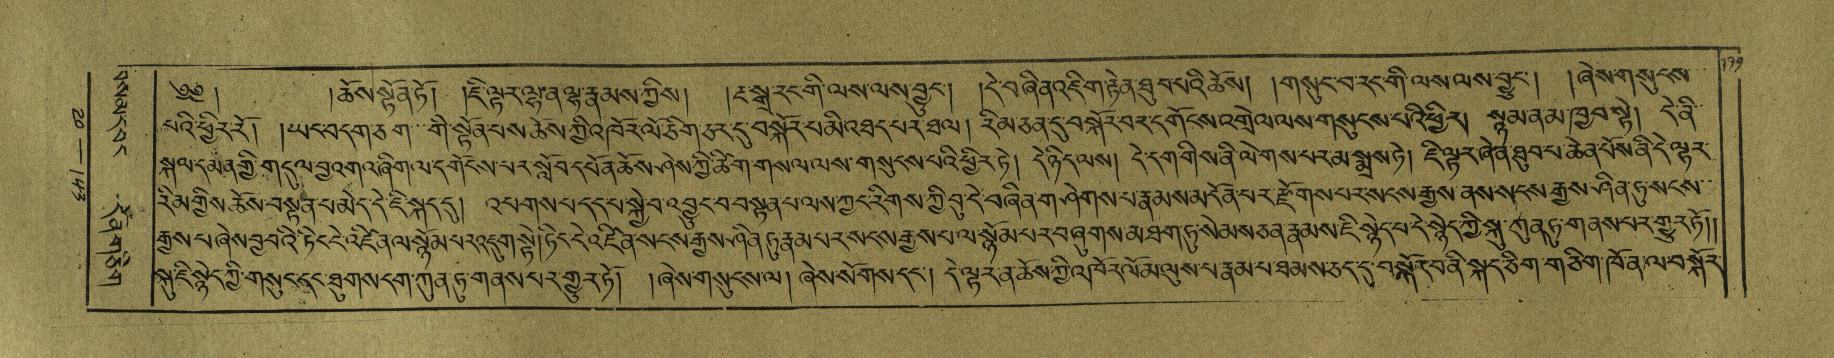༄༅། །ཆོས་སྟོན་ཏོ། །ཇི་ལྟར་ལྷ་ན་ལྷ་རྣམས་ཀྱིས། །རྔ་སྒྲ་རང་གི་ལས་ལས་བྱུང་། །དེ་བཞིན་འཇིག་རྟེན་ཐུབ་པའི་ཆོས། །གསུང་བ་རང་གི་ལས་ལས་བྱུང་། །ཞེས་གསུངས་
པའི་ཕྱིར་རོ། །ཡང་བདག་ཅག་གི་སྟོན་པས་ཆོས་ཀྱི་འཁོར་ལོ་ཅིག་ཅར་དུ་བསྐོར་བ་མི་འཐད་པར་ཐལ། རིམ་ཅན་དུ་བསྐོར་བར་དགོངས་འགྲེལ་ལས་གསུངས་པའི་ཕྱིར། སྙམ་ན་མ་ཁྱབ་སྟེ། དེ་ནི་
སྐལ་དམན་གྱི་གདུལ་བྱ་འགའ་ཞིག་ལ་དགོངས་པར་སློབ་དཔོན་ཆོས་ཤེས་ཀྱི་ཚིག་གསལ་ལས་གསུངས་པའི་ཕྱིར། དེ་ཉིད་ལས། དེ་དག་གིས་ནི་ལེགས་པར་མ་སྨྲས་ཏེ། ཇི་ལྟར་ཞེ་ན་ཐུབ་པ་ཆེན་པོས་ནི་དེ་ལྟར་
རིམ་གྱིས་ཆོས་བསྟན་པ་མེད་དེ་ཇི་སྐད་དུ། འཕགས་པ་དད་པ་སྐྱེ་བ་འབྱུང་བ་བསྟན་པ་ལས་ཀྱང་རིགས་ཀྱི་བུ་དེ་བཞིན་གཤེགས་པ་རྣམས་མངོན་པར་རྫོགས་པར་སངས་རྒྱས་ནས་སངས་རྒྱས་ཤིན་ཏུ་སངས་
རྒྱས་པ་ཞེས་བྱ་བའི་ཏིང་ངེ་འཛིན་ལ་སྙོམ་པར་འཇུག་སྟེ། ཏིང་ངེ་འཛིན་སངས་རྒྱས་ཤིན་ཏུ་རྣམ་པར་སངས་རྒྱས་པ་ལ་སྙོམ་པར་བཞུགས་མ་ཐག་ཏུ་སེམས་ཅན་རྣམས་ཇི་སྙེད་པ་དེ་སྙེད་ཀྱི་སྐུ་ཀུན་ཏུ་གནས་པར་གྱུར་ཏོ། །
སྐུ་ཇི་སྙེད་ཀྱི་གསུང་དང་ཐུགས་དག་ཀུན་ཏུ་གནས་པར་གྱུར་ཏོ། །ཞེས་གསུངས་ལ། ཞེས་སོགས་དང་། དེ་ལྟར་ན་ཆོས་ཀྱི་འཁོར་ལོ་མ་ལུས་པ་རྣམ་པ་ཐམས་ཅད་དུ་བསྐོར་བ་ནི་སྐད་ཅིག་གཅིག་ཁོ་ན་ལ་བསྐོར་